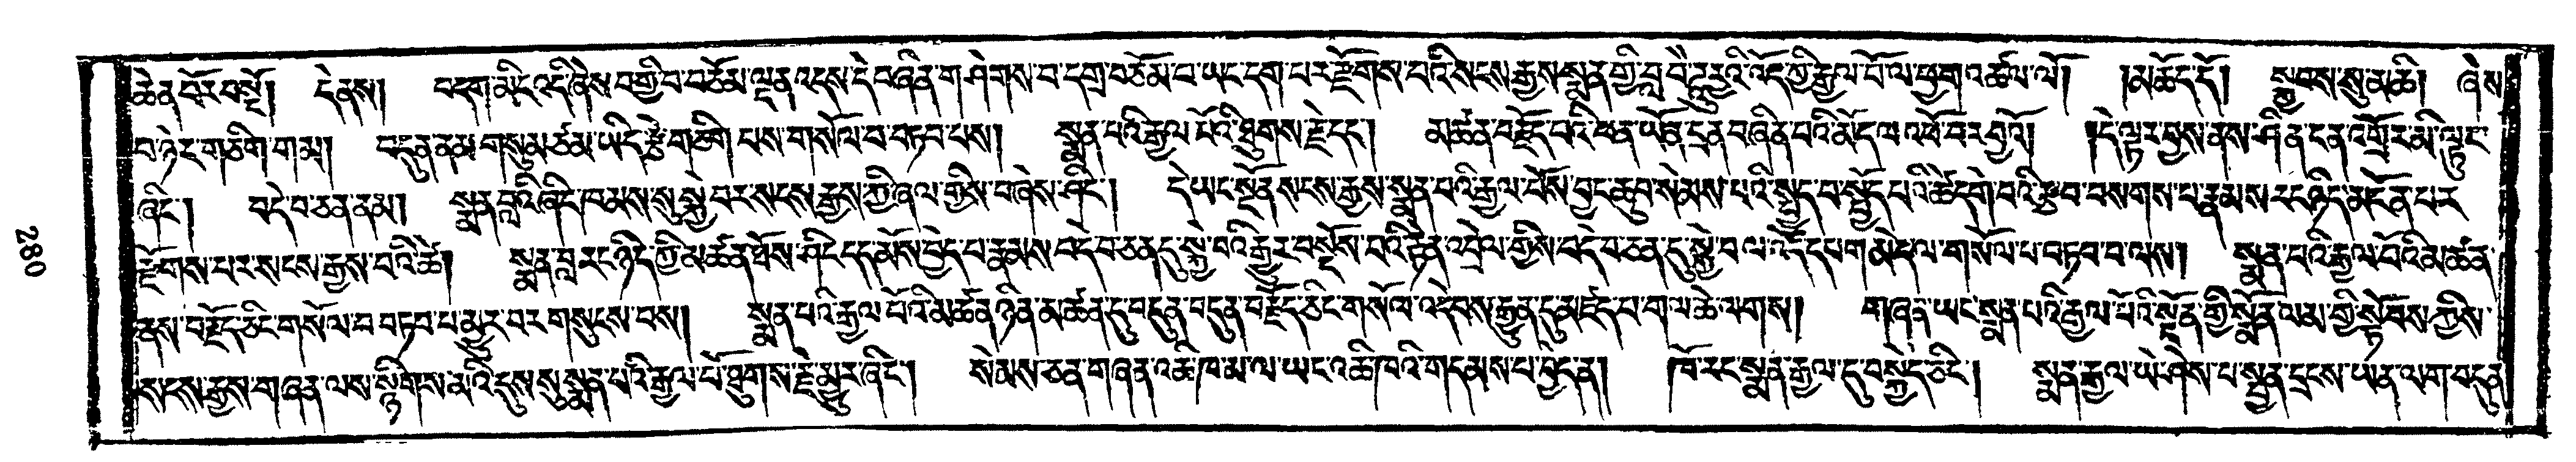ཆེན་པོར་བསྔོ། དེ་ནས། བདག་མིང་འདི་ཞེས་བགྱི་བ་བཅོམ་ལྡན་འདས་དེ་བཞིན་གཤེགས་པ་དགྲ་བཅོམ་པ་ཡང་དག་པར་རྫོགས་པའི་སངས་རྒྱས་སྨན་གྱི་བླ་བཻཌཱྲྱའི་འོད་ཀྱི་རྒྱལ་པོ་ལ་ཕྱག་འཚལ་ལོ། །མཆོད་དོ། སྐྱབས་སུ་མཆི། ཞེས་
པ་ཉེར་གཅིག་གམ། བདུན་ནམ་གསུམ་ཙམ་ཡིད་རྩེ་གཅིག་པས་གསོལ་བ་བཏབ་པས། སྨན་པའི་རྒྱལ་པོའི་ཐུགས་རྗེ་དང་། མཚན་བརྗོད་པའི་ཕན་ཡོན་དྲན་བཞིན་པའི་མོད་ལ་འཕོ་བར་བྱའོ། །དེ་ལྟར་བྱས་ནས་ཤི་ན་ངན་འགྲོར་མི་ལྟུང་
ཞིང་། བདེ་བ་ཅན་ནམ། སྨན་བླའི་ཞིང་ཁམས་སུ་སྐྱེ་བར་སངས་རྒྱས་ཀྱི་ཞལ་གྱིས་བཞེས་ཤིང་། དེ་ཡང་སྔོན་སངས་རྒྱས་སྨན་པའི་རྒྱལ་པོས་བྱང་ཆུབ་སེམས་པའི་སྤྱད་པ་སྤྱོད་པའི་ཚེ་དགེ་བའི་རྩབ་བསགས་པ་རྣམས་རང་ཉིད་མངོན་པར་
རྫོགས་པར་སངས་རྒྱས་པའི་ཚེ། སྨན་བླ་རང་ཉིད་ཀྱི་མཚན་ཐོས་ཤིང་དད་མོས་བྱེད་པ་རྣམས་བདེ་བ་ཅན་དུ་སྐྱེ་བའི་རྒྱུར་བསྔོས་པའི་རྟེན་འབྲེལ་གྱིས་བདེ་བ་ཅན་དུ་སྐྱེ་བ་ལ་འོད་དཔག་མེད་ལ་གསོལ་བ་བཏབ་པ་ལས། སྨན་པའི་རྒྱལ་བོའི་མཚན་
ནས་བརྗོད་ཅིང་གསོལ་བ་བཏབ་པ་མྱུར་བར་གསུངས་པས། སྨན་པའི་རྒྱལ་པོའི་མཚན་ཉིན་མཚན་དུ་བདུན་བདུན་བརྗོད་ཅིང་གསོལ་འདེབས་རྒྱུན་དུ་མཛད་པ་གལ་ཆེ་ལགས། གཞན་ཡང་སྨན་པའི་རྒྱལ་པོའི་སྔོན་གྱི་སྨོན་ལམ་གྱི་སྟོབས་ཀྱིས་
སངས་རྒྱས་གཞན་ལས་སྙིགས་མའི་དུས་སུ་སྨན་པའི་རྒྱལ་པོ་ཐུགས་རྗེ་མྱུར་ཞིང་། སེམས་ཅན་གཞན་འཆི་ཁ་མ་ལ་ཡང་འཆི་ཁའི་གདམས་པ་བྱེད་ན། ཁོ་རང་སྨན་རྒྱལ་དུ་བསྐྱེད་ཅིང་། སྨན་རྒྱལ་ཡེ་ཤེས་པ་སྤྱན་དྲངས་ཡན་ལག་བདུན་